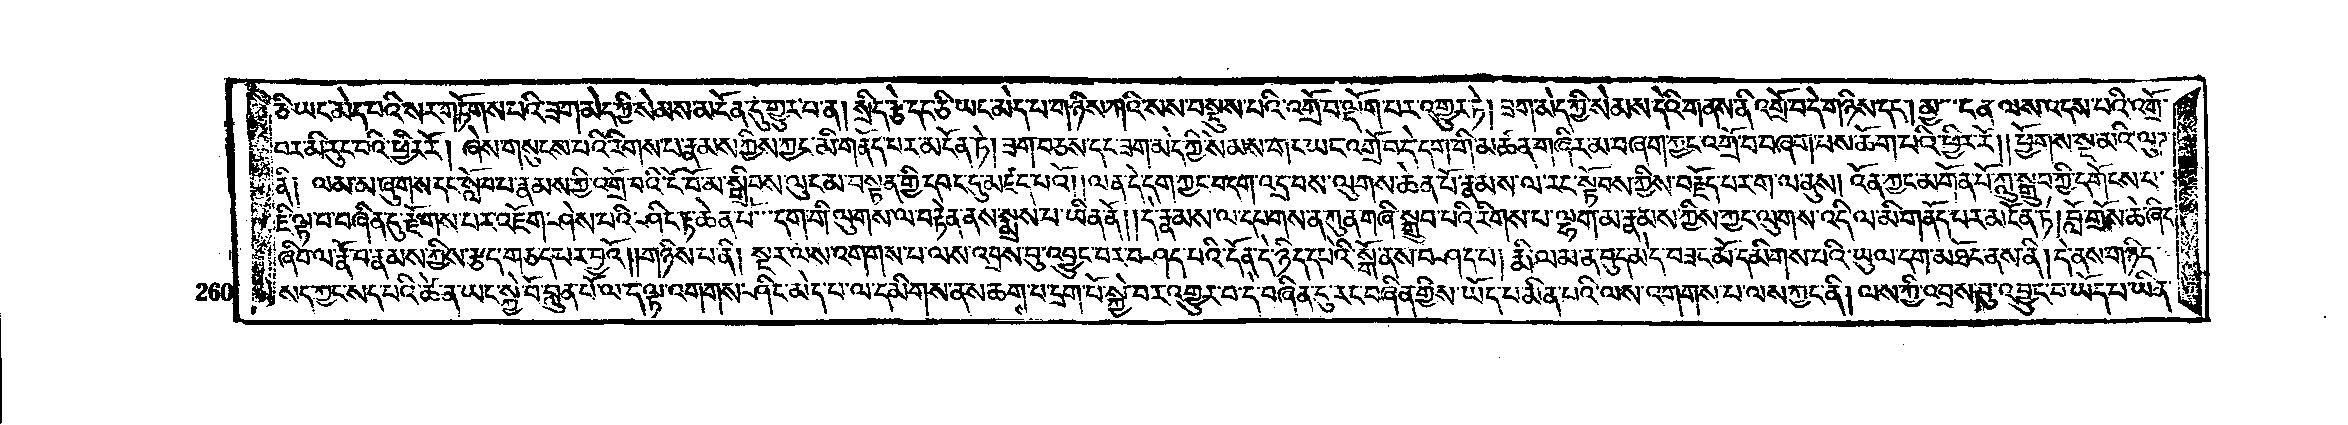ཅི་ཡང་མེད་པའི་སར་གཏོགས་པའི་ཟག་མེད་ཀྱི་སེམས་མངོན་དུ་གྱུར་པ་ན། སྲིད་རྩེ་དང་ཅི་ཡང་མེད་པ་གཉིས་ཀའི་སས་བསྡུས་པའི་འགྲོ་བ་ལྡོག་པར་འགྱུར་ཏེ། ཟག་མེད་ཀྱི་སེམས་དེའི་གནས་ནི་འགྲོ་བ་དེ་གཉིས་དང་། མྱ་ངན་ལས་འདས་པའི་འགྲོ་
བར་མི་རུང་བའི་ཕྱིར་རོ། ཞེས་གསུངས་པའི་རིགས་པ་རྣམས་ཀྱིས་ཀྱང་མི་གནོད་པར་མངོན་ཏེ། ཟག་བཅས་དང་ཟག་མེད་ཀྱི་སེམས་གང་ཡང་འགྲོ་བ་དེ་དག་གི་མཚན་གཞིར་མ་བཞག་ཀྱང་འགྲོ་བ་བཞག་པས་ཆོག་པའི་ཕྱིར་རོ། །ཕྱོགས་སྔ་མའི་ལུགས་
ནི། ལམ་མ་ཞུགས་དང་སློབ་པ་རྣམས་ཀྱི་འགྲོ་བའི་ངོ་བོ་མ་སྒྲིབས་ལུང་མ་བསྟན་གྱི་དབང་དུ་མཛད་པའོ། །ལན་དེ་དག་ཀྱང་བདག་འདྲ་བས་ལུགས་ཆེན་པོ་རྣམས་ལ་རང་སྟོབས་ཀྱིས་བརྗོད་པར་ག་ལ་ནུས། འོན་ཀྱང་མགོན་པོ་ཀླུ་སྒྲུབ་ཀྱི་དགོངས་པ་
ཇི་ལྟ་བ་བཞིན་དུ་རྫོགས་པར་འཇོག་ཤེས་པའི་ཤིང་རྟ་ཆེན་པོ་དག་གི་ལུགས་ལ་བརྟེན་ནས་སྨྲས་པ་ཡིན་ནོ། །དེ་རྣམས་ལ་དཔགས་ན་ཀུན་གཞི་སྒྲུབ་པའི་རིགས་པ་ལྷག་མ་རྣམས་ཀྱིས་ཀྱང་ལུགས་འདི་ལ་མི་གནོད་པར་མངོན་ཏེ། བློ་གྲོས་ཆེ་ཞིང་
ཞིབ་ལ་རྣོ་བ་རྣམས་ཀྱིས་རྩད་གཅད་པར་བྱའོ། །གཉིས་པ་ནི། སྔར་ལས་འགགས་པ་ལས་འབྲས་བུ་འབྱུང་བར་བཤད་པའི་དོན་དེ་ཉིད་དཔེའི་སྒོ་ནས་བཤད་པ། རྨི་ལམ་ན་བུད་མེད་བཟང་མོ་དམིགས་པའི་ཡུལ་དག་མཐོང་ནས་ནི། དེ་ནས་གཉིད་
སད་ཀྱང་སད་པའི་ཚེ་ན་ཡང་སྐྱེ་བོ་བླུན་པོ་ལ་ད་ལྟ་འགགས་ཤིང་མེད་པ་ལ་དམིགས་ནས་ཆགས་པ་དྲག་པོ་སྐྱེ་བར་འགྱུར་བ་དེ་བཞིན་དུ་རང་བཞིན་གྱིས་ཡོད་པ་མིན་པའི་ལས་འགགས་པ་ལས་ཀྱང་ནི། ལས་ཀྱི་འབྲས་བུ་འབྱུང་བ་ཡོད་པ་ཡིན་